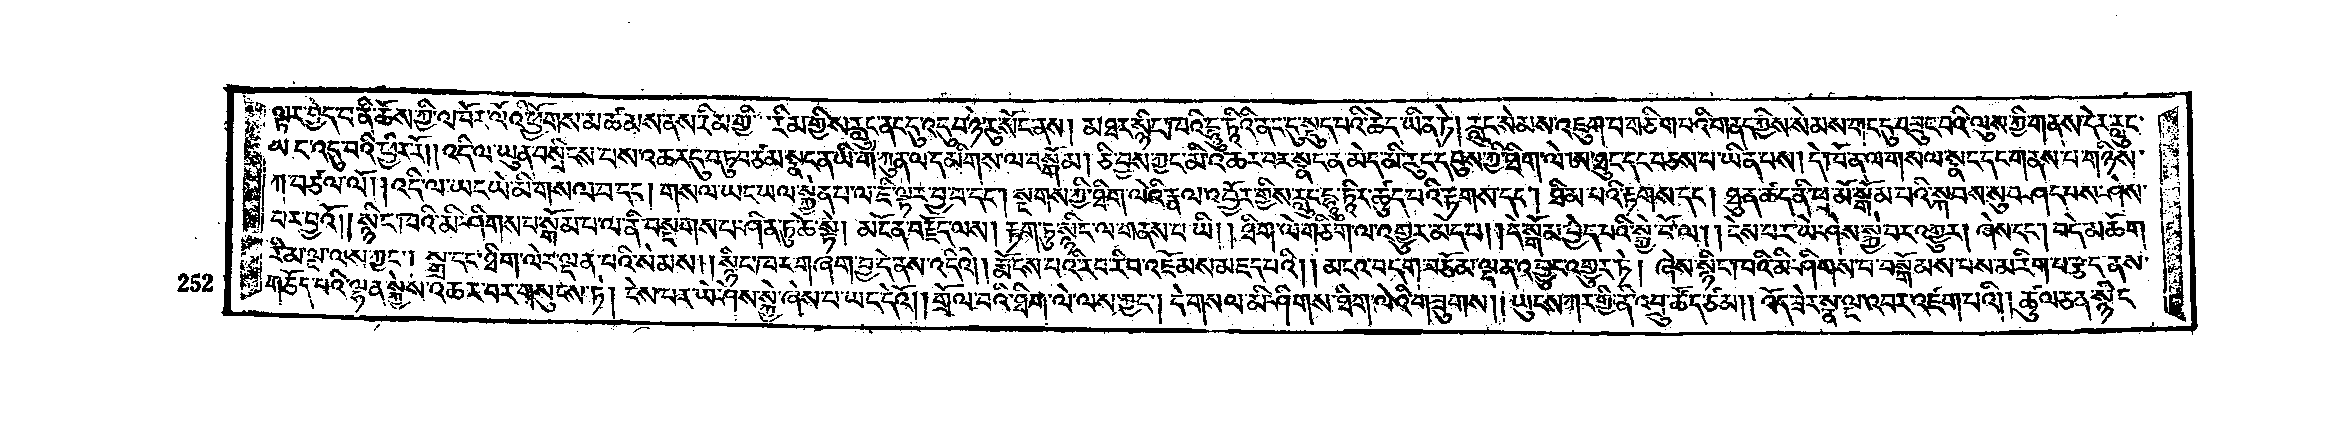ལྟར་བྱེད་པ་ནི་ཆོས་ཀྱི་འཁོར་ལོའི་ཕྱོགས་མཚམས་ནས་རིམ་གྱི་རིམ་གྱིས་རླུང་ནང་དུ་འདུ་བ་ཉེ་རུ་སོང་ནས། མཐར་སྙིང་ཁའི་དྷཱུ་ཏཱིའི་ནང་དུ་སྡུད་པའི་ཆེད་ཡིན་ཏེ། རླུང་སེམས་འཇུག་པ་གཅིག་པའི་གནད་ཀྱིས་སེམས་གང་དུ་བཟུང་བའི་ལུས་ཀྱི་གནས་དེར་རླུང་
ཡང་འདུ་བའི་ཕྱིར་རོ། །འདི་ལ་ཡུན་བསྲིངས་པས་འཆར་དུ་བཏུབ་ཙམ་སྣང་ན་ཡི་གེ་ཀུན་ལ་དམིགས་ལ་བསྒོམ། ཅི་བྱས་ཀྱང་མི་འཆར་བར་སྣང་ན་མེད་མི་རུང་དབུས་ཀྱི་ཐིག་ལེ་ཨ་ཐུང་དང་བཅས་པ་ཡིན་པས། དེ་ཁོ་ན་ལ་གསལ་སྣང་དང་གནས་པ་གཉིས་
ཀ་བཙལ་ལོ། །འདི་ལ་ཡང་ཡེ་མི་གསལ་བ་དང་། གསལ་ཡང་ཡལ་སྐྱེན་པ་ལ་ཇི་ལྟར་བྱ་བ་དང་། སྔགས་ཀྱི་ཐིག་ལེའི་རྣལ་འབྱོར་གྱིས་རླུང་དྷཱུ་ཏཱིར་ཚུད་པའི་རྟགས་དང་། ཐིམ་པའི་རྟགས་དང་། ཐུན་ཚད་ནི་ཕྲ་མོ་སྒོམ་པའི་སྐབས་སུ་བཤད་པས་ཤེས་
པར་བྱའོ། །སྙིང་ཁའི་མི་ཤིགས་པ་སྒོམ་པ་ལ་ནི་བསྔགས་པ་ཤིན་ཏུ་ཆེ་སྟེ། མངོན་བརྗོད་ལས། རྟག་ཏུ་སྙིང་ལ་གནས་པ་ཡི། །ཐིག་ལེ་གཅིག་ལ་འགྱུར་མེད་པ། །དེ་སྒོམ་བྱེད་པའི་སྐྱེ་བོ་ལ། །ངེས་པར་ཡེ་ཤེས་སྐྱེ་བར་འགྱུར། ཞེས་དང་། བདེ་མཆོག་
རིམ་ལྔ་ལས་ཀྱང་། སྒྲ་དང་ཐིག་ལེར་ལྡན་པའི་སེམས། །སྙིང་ཁར་གཞག་བྱ་དེ་ནས་འདིའི། །རྨོངས་པའི་རབ་རིབ་འཇོམས་མཛད་པའི། །མངའ་བདག་བཅོམ་ལྡན་འབྱུང་འགྱུར་ཏེ། ཞས་སྙིང་ཁའི་མི་ཤིགས་པ་བསྒོམས་པས་མ་རིག་པ་རྩད་ནས་
གཅེད་པའི་ལྷན་སྐྱེས་འཆར་བར་གསུངས་ཏེ། ངེས་པར་ཡེ་ཤེས་སྐྱེ་ཞེས་པ་ཡང་དེའོ། །གྲོལ་བའི་ཐིག་ལེ་ལས་ཀྱང་། དེ་གསལ་མི་ཤིགས་ཐིག་ལེའི་གཟུགས། །ཡུངས་ཀར་གྱི་ནི་འབྲུ་ཚོད་ཙམ། །འོད་ཟེར་སྣ་ལྔ་འབར་འཛག་པའི། །ཚུལ་ཅན་སྙིང་